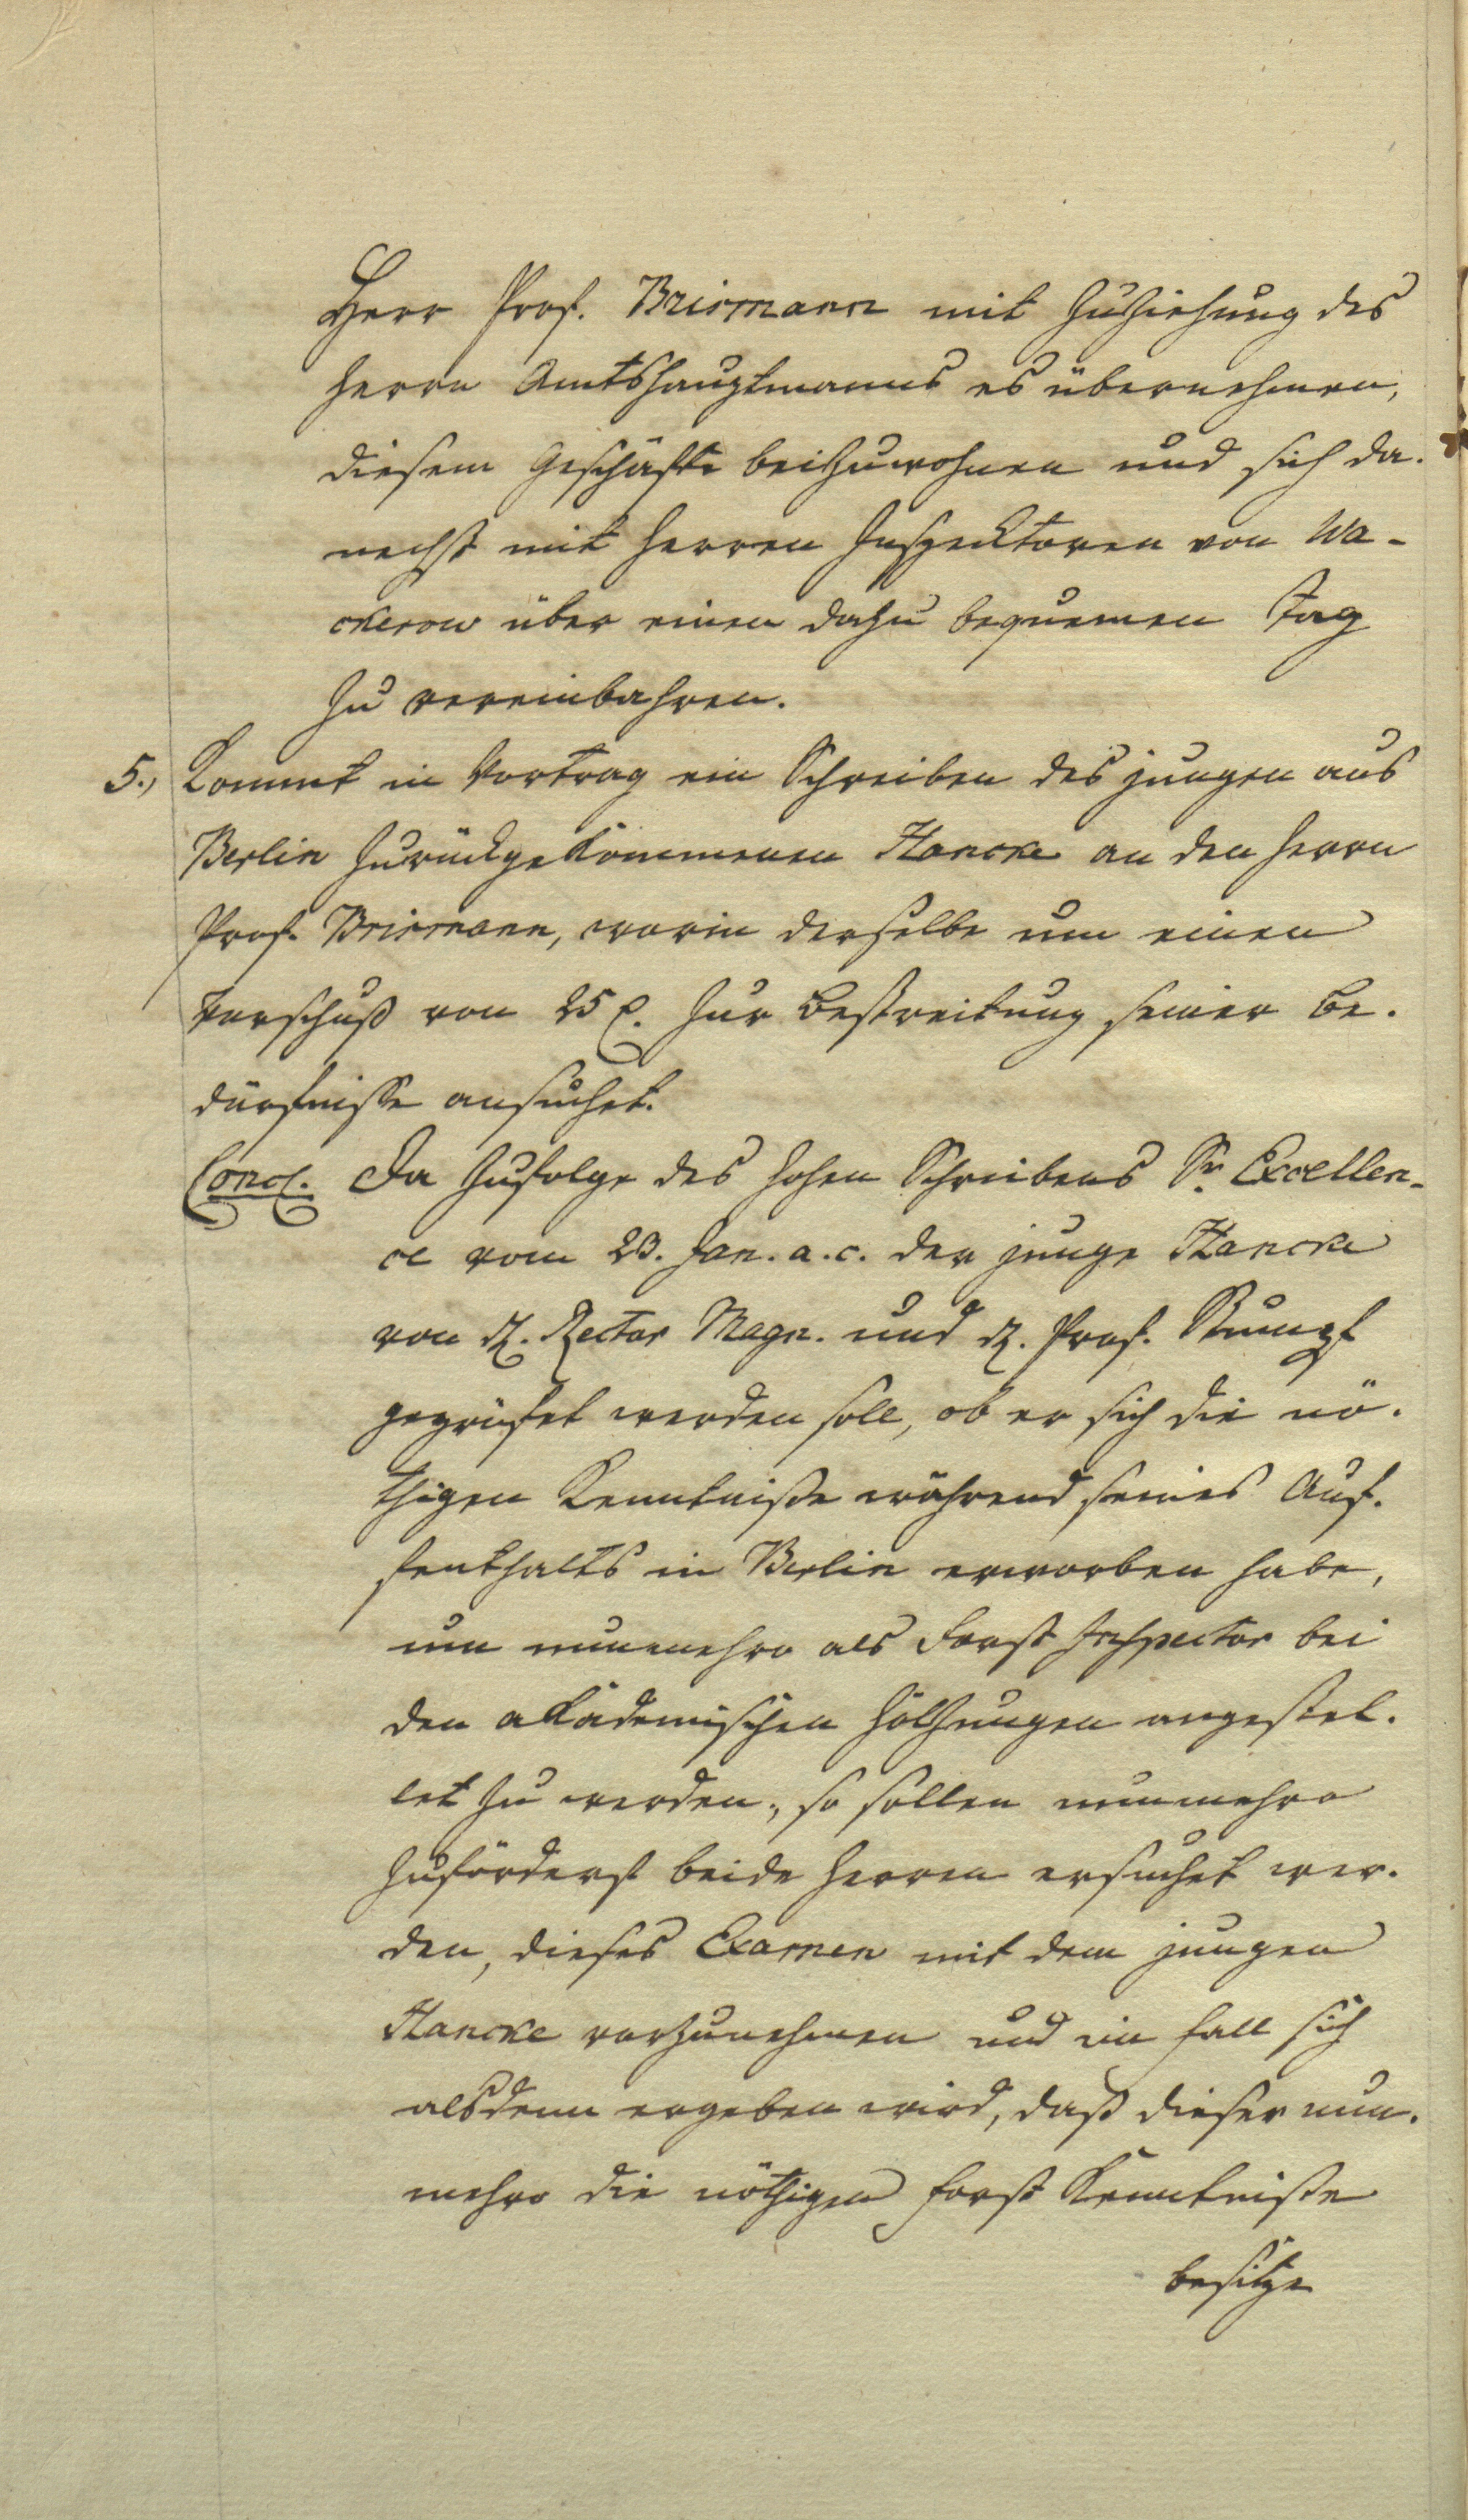Herr Prof. Brismann mit Zuziehung des
Herrn Amtshauptmanns es übernehmen,
diesem Geschäfte beizuwohnen und sich da¬
nechst mit Herren Inspecktoren von Wa¬
ckerow über einen dazu bequemen Tag
zu vereinbahren.
5. Kommt in Vortrag ein Schreiben des jungen aus
Berlin zurückgekommenen Hancke an den Herrn
Prof. Brismann, worin derselbe um einen
Vorschuß von 25 l. zur Bestreitung seiner Be¬
dürfnisse ansuchet.
Concl. Da zufolge des hohen Schreibens Sr Excellen¬
ce vom 23. Jan. a. c. der junge Hancke
von dh. Rector Magn. und dh. Prof. Stumpf
geprüfet werden soll, ob er sich die nö¬
thigen Kenntnisse während seines Auf¬
fenthalts im Berlin erworben habe,
um nunmehro als Forst Inspector bei
den akademischen Hölzungen angestel¬
let zu werden, so sollen nunmehro
zuförderst beide Herren ersuchet wer¬
den, dieses Examen mit dem jungen
Hancke vorzunehmen und im Fall sich
alsdenn ergeben wird, daß dieser nun¬
mehro die nöthigen Forst Kenntnisse
besitze